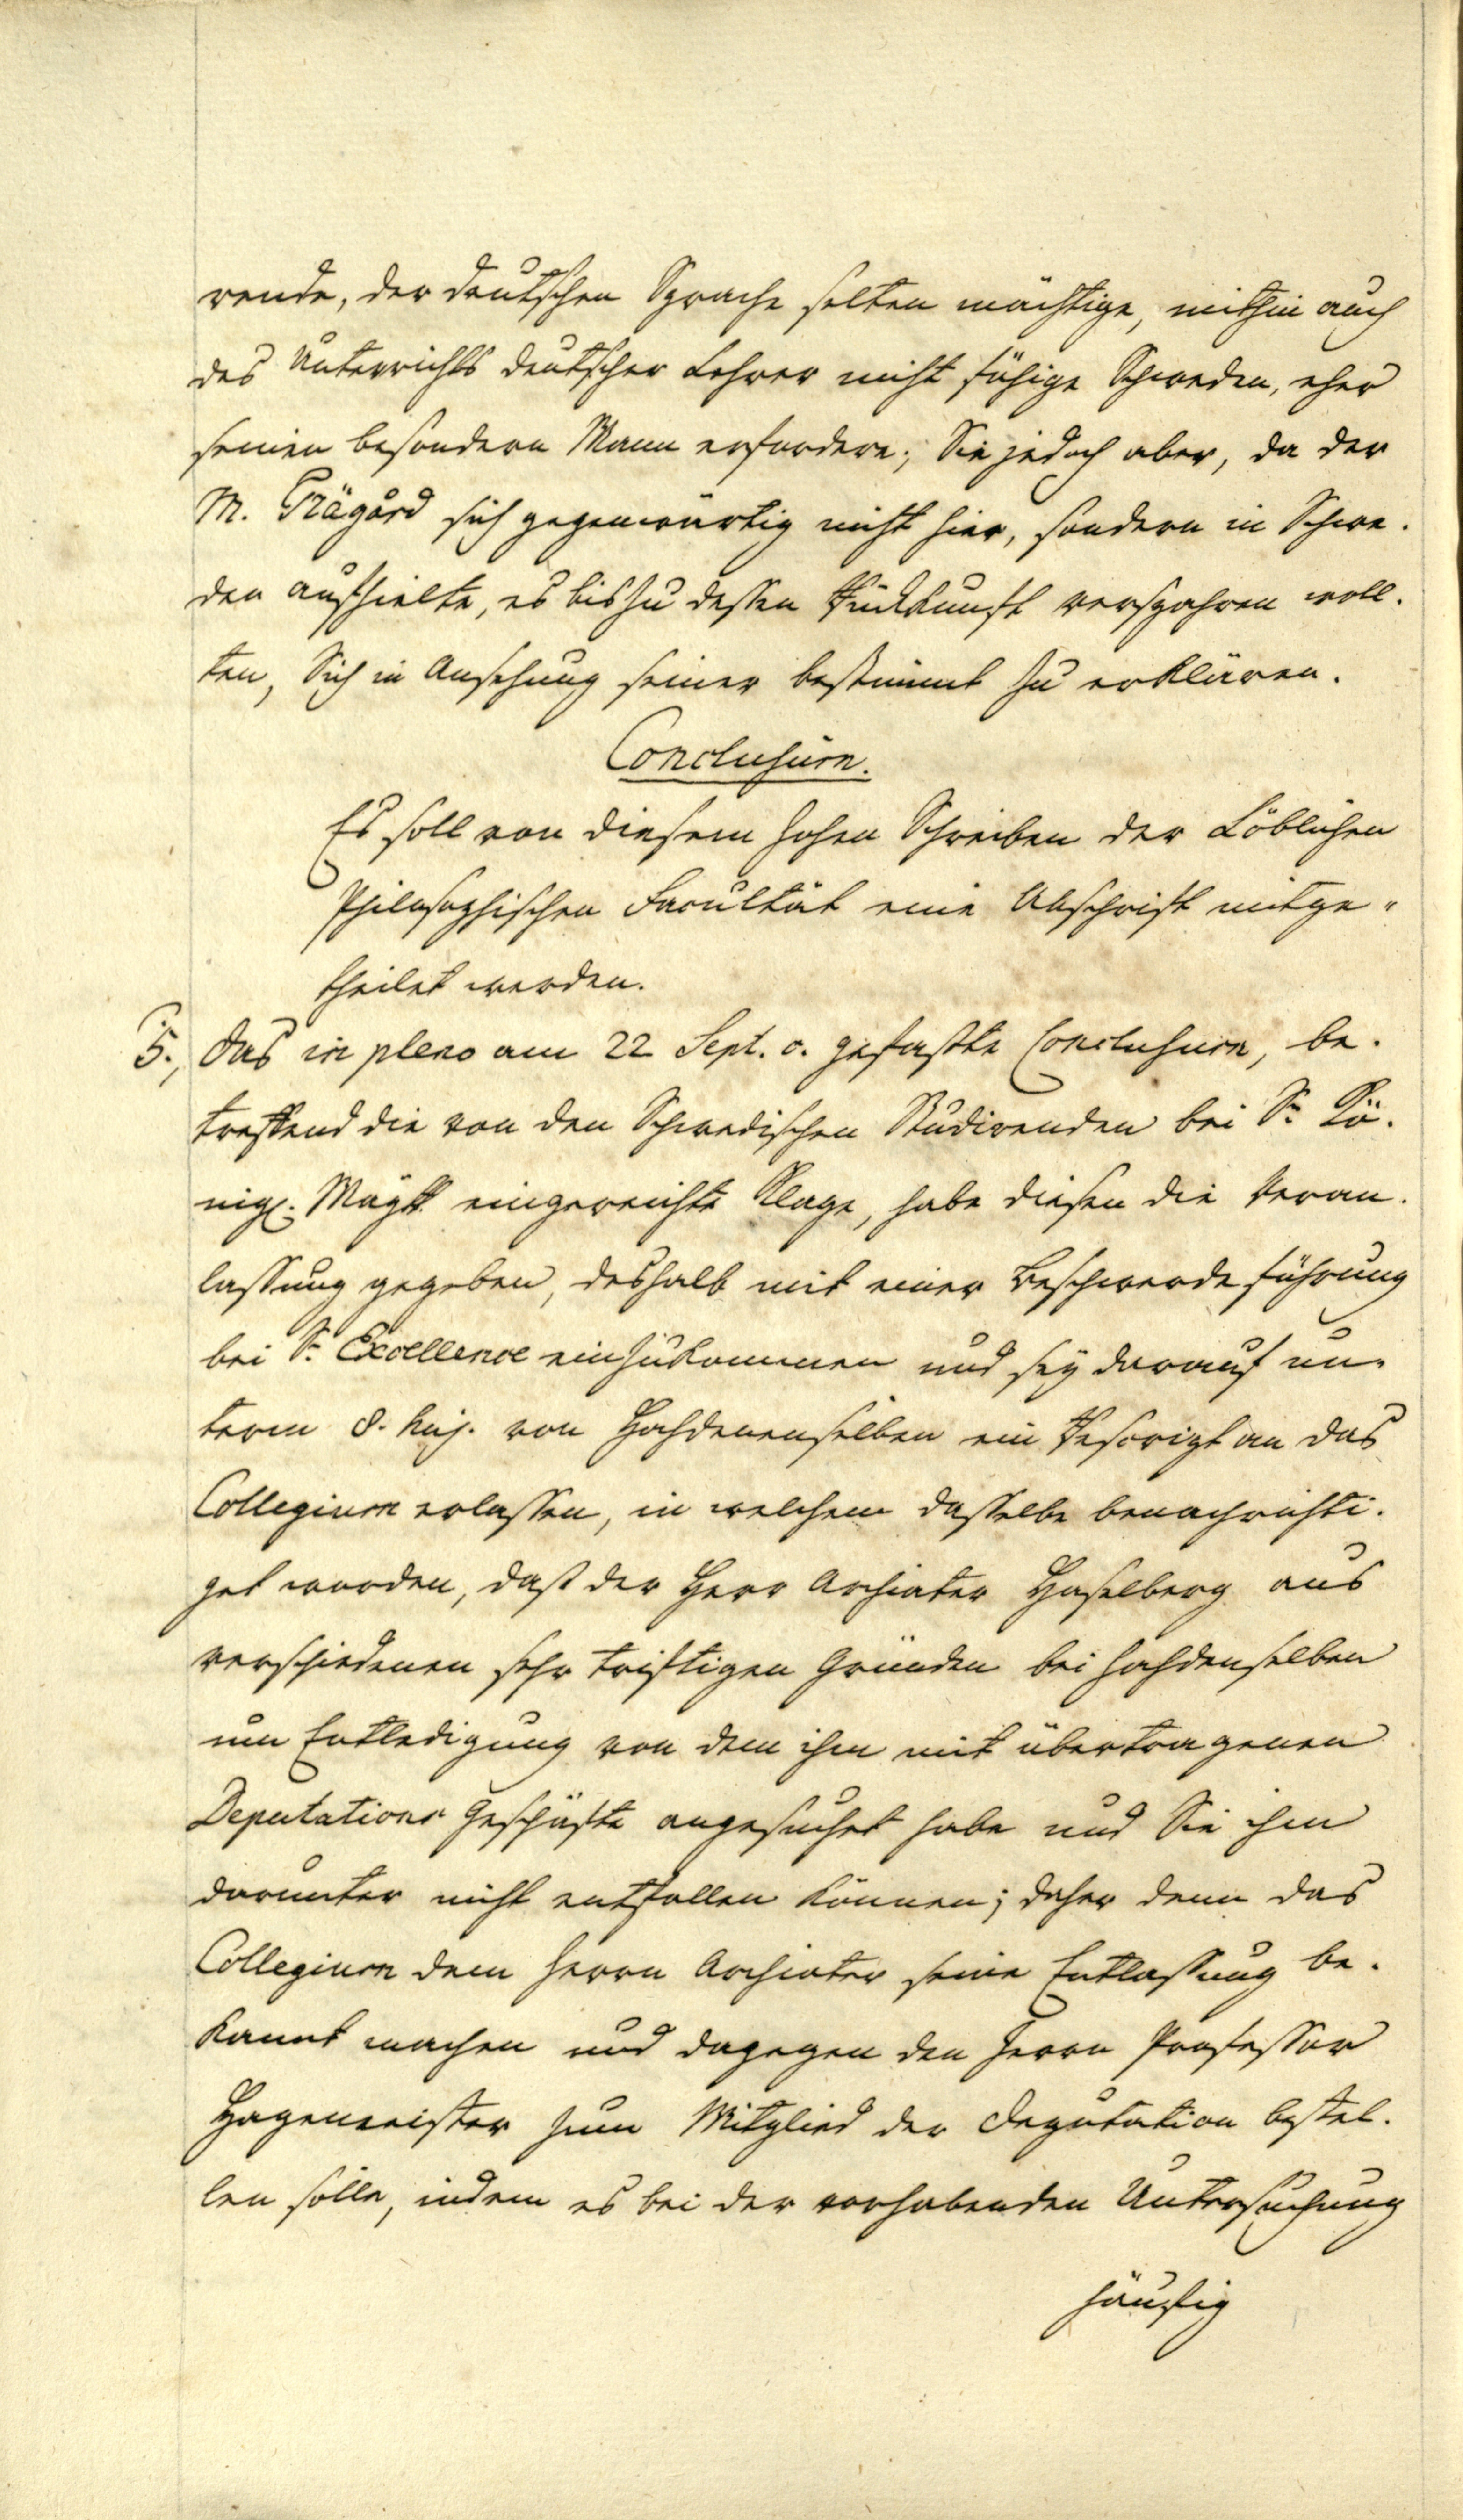rende, der deutschen Sprache selten mächtige, mithin auch
des Unterrichts deutscher Lehrer nicht fähige Schweden, eher
seinen besondern Mann erfordere, Sie jedoch aber, da der
M. Trägård sich gegenwärtig nicht hier, sondern in Schwe¬
den aufhielte, es bis zu dessen Rückkunft verspahren woll¬
ten, Sich in Ansehung seiner bestimmt zu erklären.
Conclusum.
Es soll von diesem hohen Schreiben der Löblichen
Philosophischen Facultät eine Abschrift mitge¬
theilet werden.
5. Das in pleno am 22. Sept. c. gefaßte Conclusum, be¬
treffend die von den Schwedischen Studirenden bei Sr. Kö¬
nigl. Maÿtt. eingereichte Klage, habe diesen die Veran¬
lassung gegeben, deshalb mit einer Beschwerdeführung
bei Sr Excellence einzukommen und seÿ darauf un¬
term 8. huj. von Hochdenenselben ein Rescript an das
Collegium erlassen, in welchem dasselbe benachrichti¬
get worden, daß der Herr Archiater Haselberg aus
verschiedenen sehr triftigen Gründen bei Hochdenselben
um Entledigung von dem ihm mit übertragenen
Deputations Geschäfte angesuchet habe und Sie ihm
darunter nicht entfallen können; daher denn das
Collegium dem Herrn Archiater seine Entlassung be¬
kannt machen und dagegen den Herrn Professor
Hagemeister zum Mitglied der Deputation bestel¬
len solle, indem es bei der vorhabenden Untersuchung
häufig